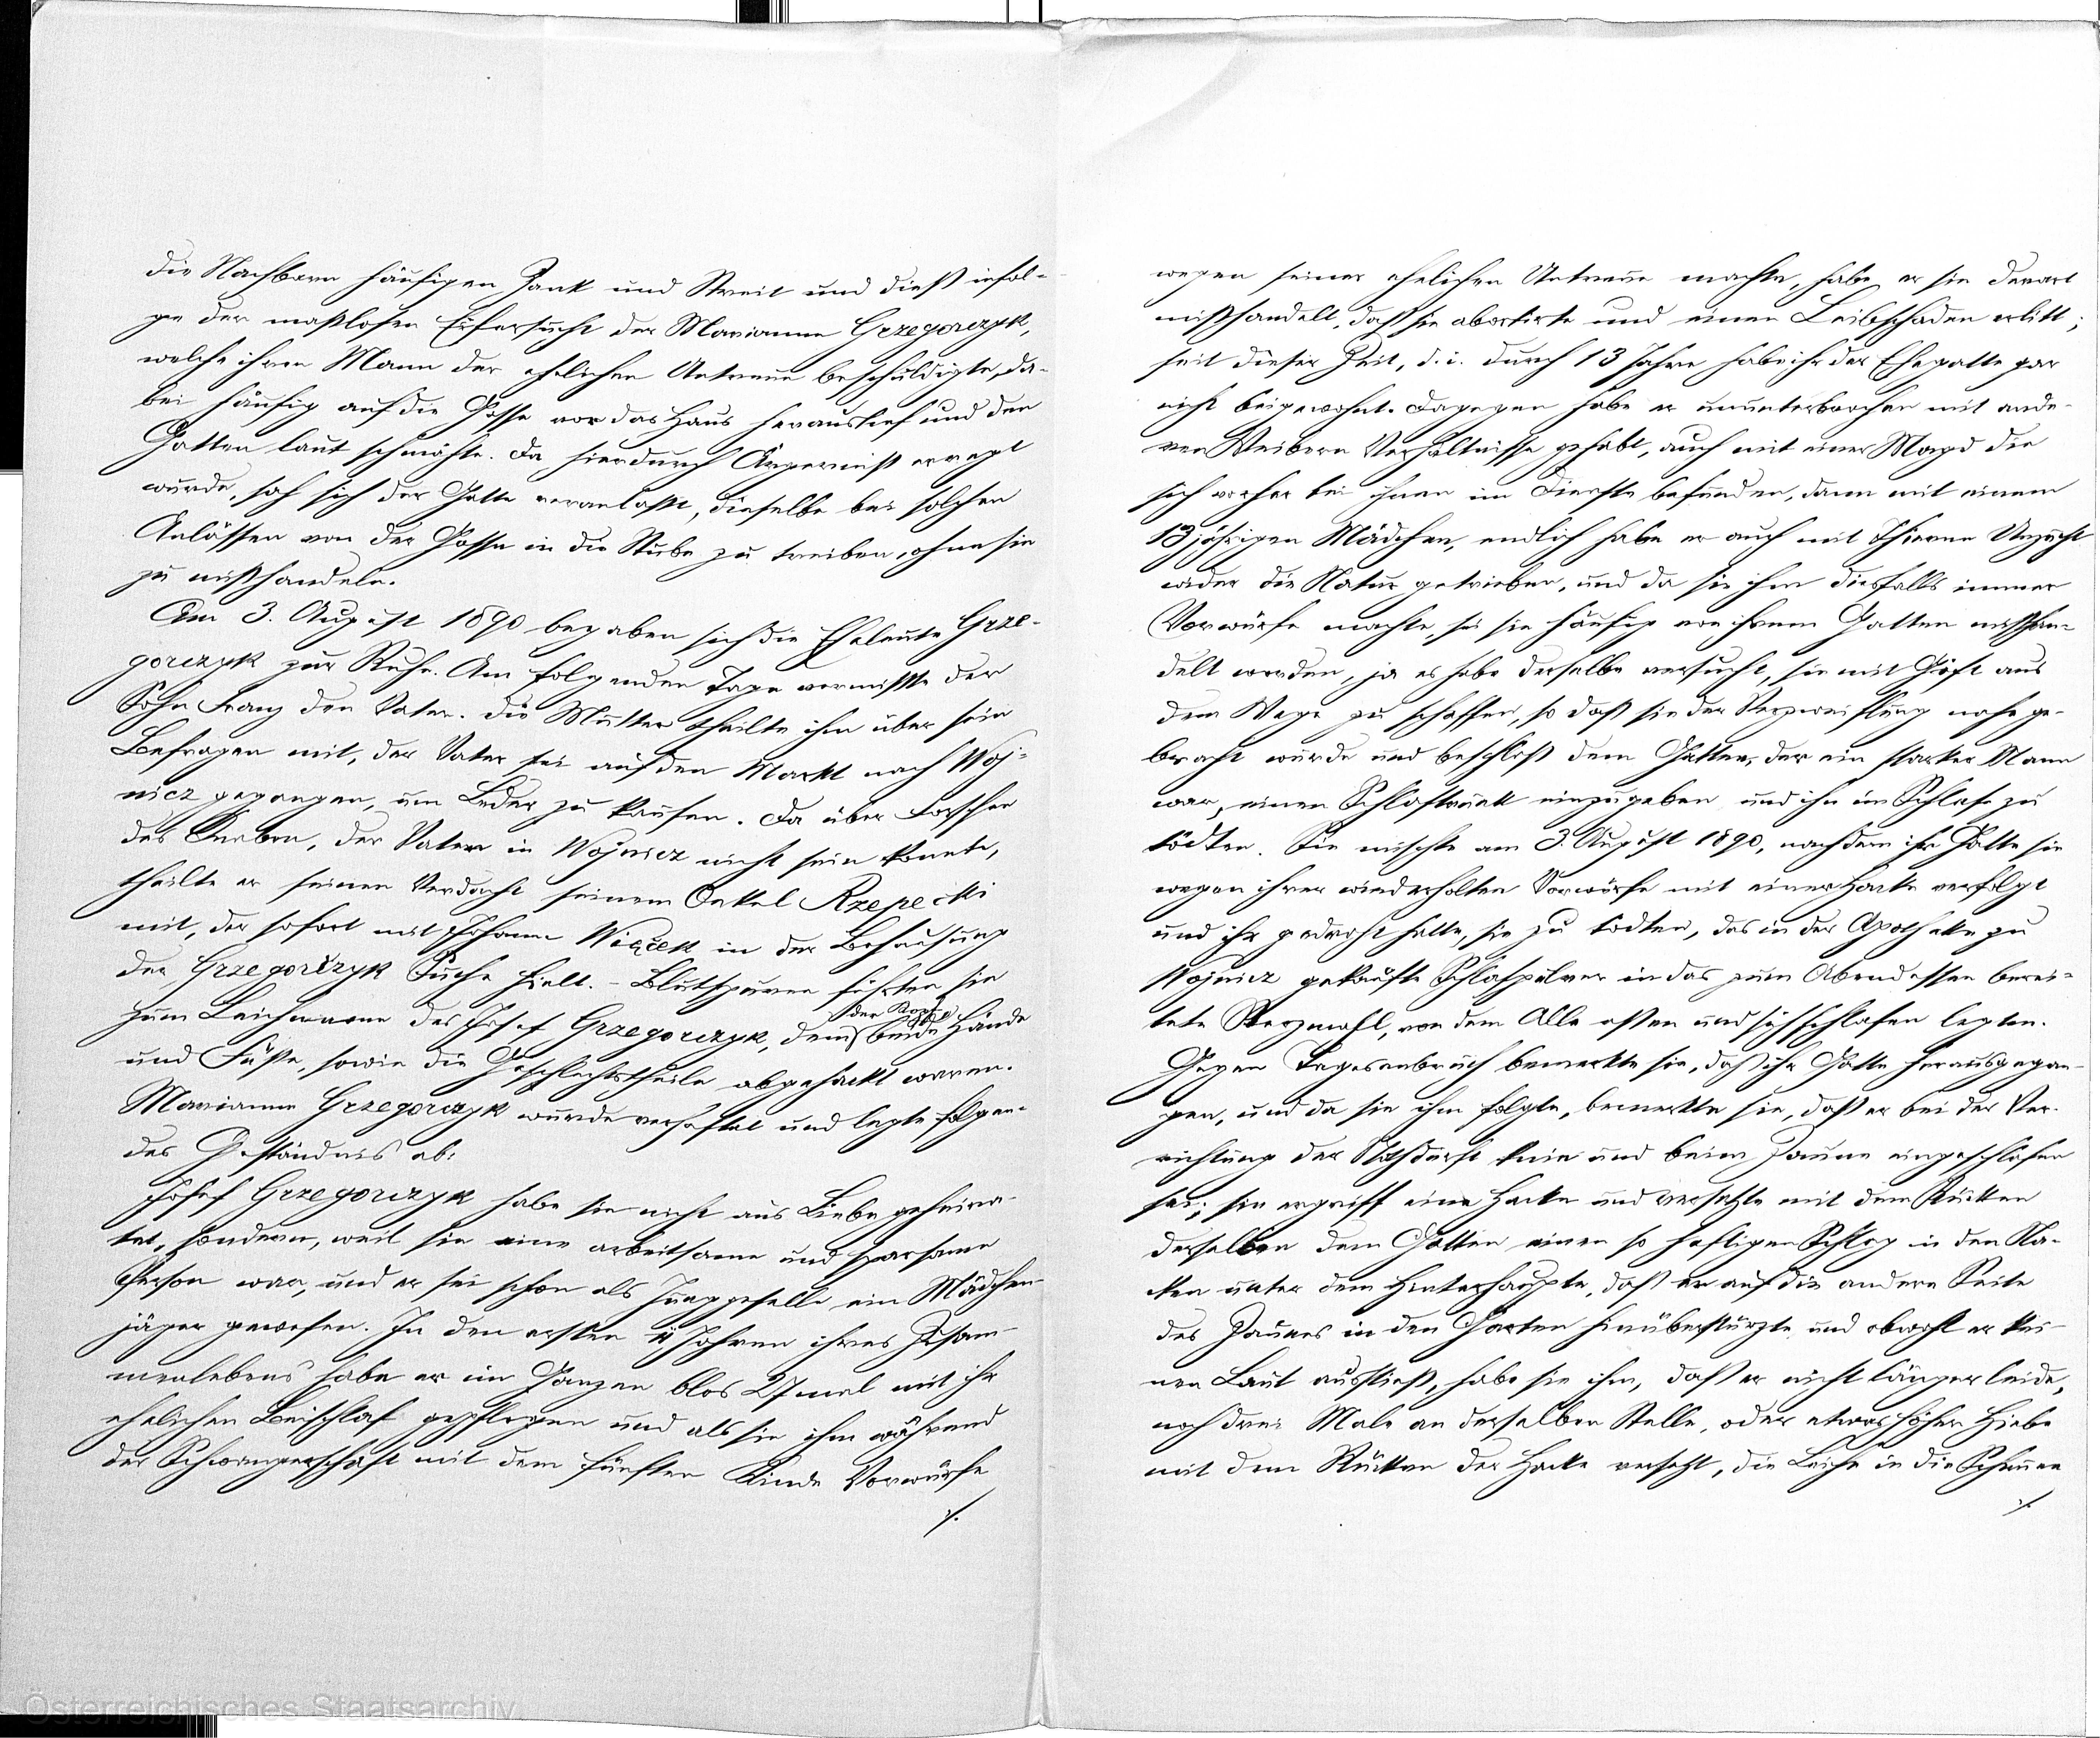die Nachbaren häufigen Zank und Streit und dieß infol¬
ge der maßlosen Eifersucht der Marianne Grzegorczyk,
welche ihren Mann der ehelichen Untreue beschuldigte, da¬
bei häufig auf die Gasse vor das Haus herauslief und der
Gatten laut schmähte. Da hierdurch Ärgerniß erregt
wurde, sah sich der Gatte veranlaßt, dieselbe bei solchen
Anlässen von der Gasse in die Stube zu treiben, ohne sie
zu mißhandeln.
Am 3. August 1890 begaben sich die Eheleute Grze¬
gorczyk zur Ruhe. Am Folgenden Tage vermisste der
Sohn Franz den Vater. Die Mutter theilte ihm über sein
Befragen mit, der Vater sei auf den Markt nach Woj¬
nicz gegangen, um Leder zu kaufen. Da über forschen
des Knaben, der Vater in Wojnicz nicht sein konnte,
theilte er seinen Verdacht seinen Onkel Rzepecki
mit, da sofort mit Johann Wiącek in der Behausung
der Grzegorczyk Sache hielt. Blutspuren führten sie
der Kopf
zum Leichname der Josef Grazegorczyk, dem beide Hände
und Füße, sowie die Geschlechtstheile abgehackt waren.
Marianne Grzegorczyk wurde verhaftet und legte folgen¬
des Geständnis ab:
Josef Grzegorczyk habe sie nicht aus Liebe geheira¬
tet, sondern, weil sie eine arbeitsame und sparsame
Person war, und er sei schon als Junggeselle ein Mädchen¬
jäger gewesen. In den ersten 11 Jahren ihres Zusam¬
menlebens habe er im Ganzen blos 27 mal mit ihr
ehelichen Beischlaf gepflogen und als sie ihm während
der Schwangerschaft mit dem fünften Kinde Vorwürfe
wegen seiner ehelichen Untreue machte, habe er sie derart
mißhandelt, daß sie abortirte und einen Leibschaden erlitt;
seit dieser Zeit, d.i. durch 13 Jahren habe ihr der Ehegatte gar
nicht beigewohnt. Dagegen habe er ununterbrochen mit ande¬
ren Weibern Verhältnisse gehabt, auch mit einer Magd die
sich vorher bei ihnen im Dienste befunden, dann mit einem
13jährigen Mädchen, endlich habe er auch mit Thieren Unzucht
wider die Natur getrieben, und da sie ihm diesfalls immer
Vorwürfe machte, sei sie häufig von ihrem Gatten mißhan¬
delt worden, ja es habe derselbe versucht, sie mit Gift aus
dem Wege zu schaffen, so daß sie der Verzweiflung nah ge¬
bracht würde und beschloß dem Gatten, der ein starker Mann
war, einen Schlaftrank einzugeben und ihn im Schlafe zu
tödten. Sie mischte am 3. August 1890, nachdem ihr Gatte sie
wegen ihrer wiederholten Vorwürfe mit einer Hacke verfolgt
und ihr gedroht hatte, sie zu tödten, das in der Apotheke zu
Wojnicz gekaufte Schalfpelen in das zum Abendessen berei¬
tete Sterzmahl, von dem Alle essen und sich schlafen legten.
Gegen Tagesanbruch bemerkte sie, daß ihr Gatte herausgegan¬
gen, und da sie ihm folgte, bemerkte sie, daß er bei der Ver¬
richtung der Nothdurft kein und beim Zaune eingeschlafen
sei; sie ergriff eine Hacke und versetzte mit dem Rücken
derselben dem Gatten einen so heftigen Schlag in den Na¬
cken unter dem Hinterhaupt, daß er auf die andere Seite
des Zaunes in den Garten hinüberstürzte und obwohl er kei¬
nen Laut ausstieß, habe sie ihm, daß er nicht länger leide
noch drei Male an derselben Stelle, oder etwas höher Hiebe
mit dem Rücken der Hacke versetzt, die Leiche in die Scheune